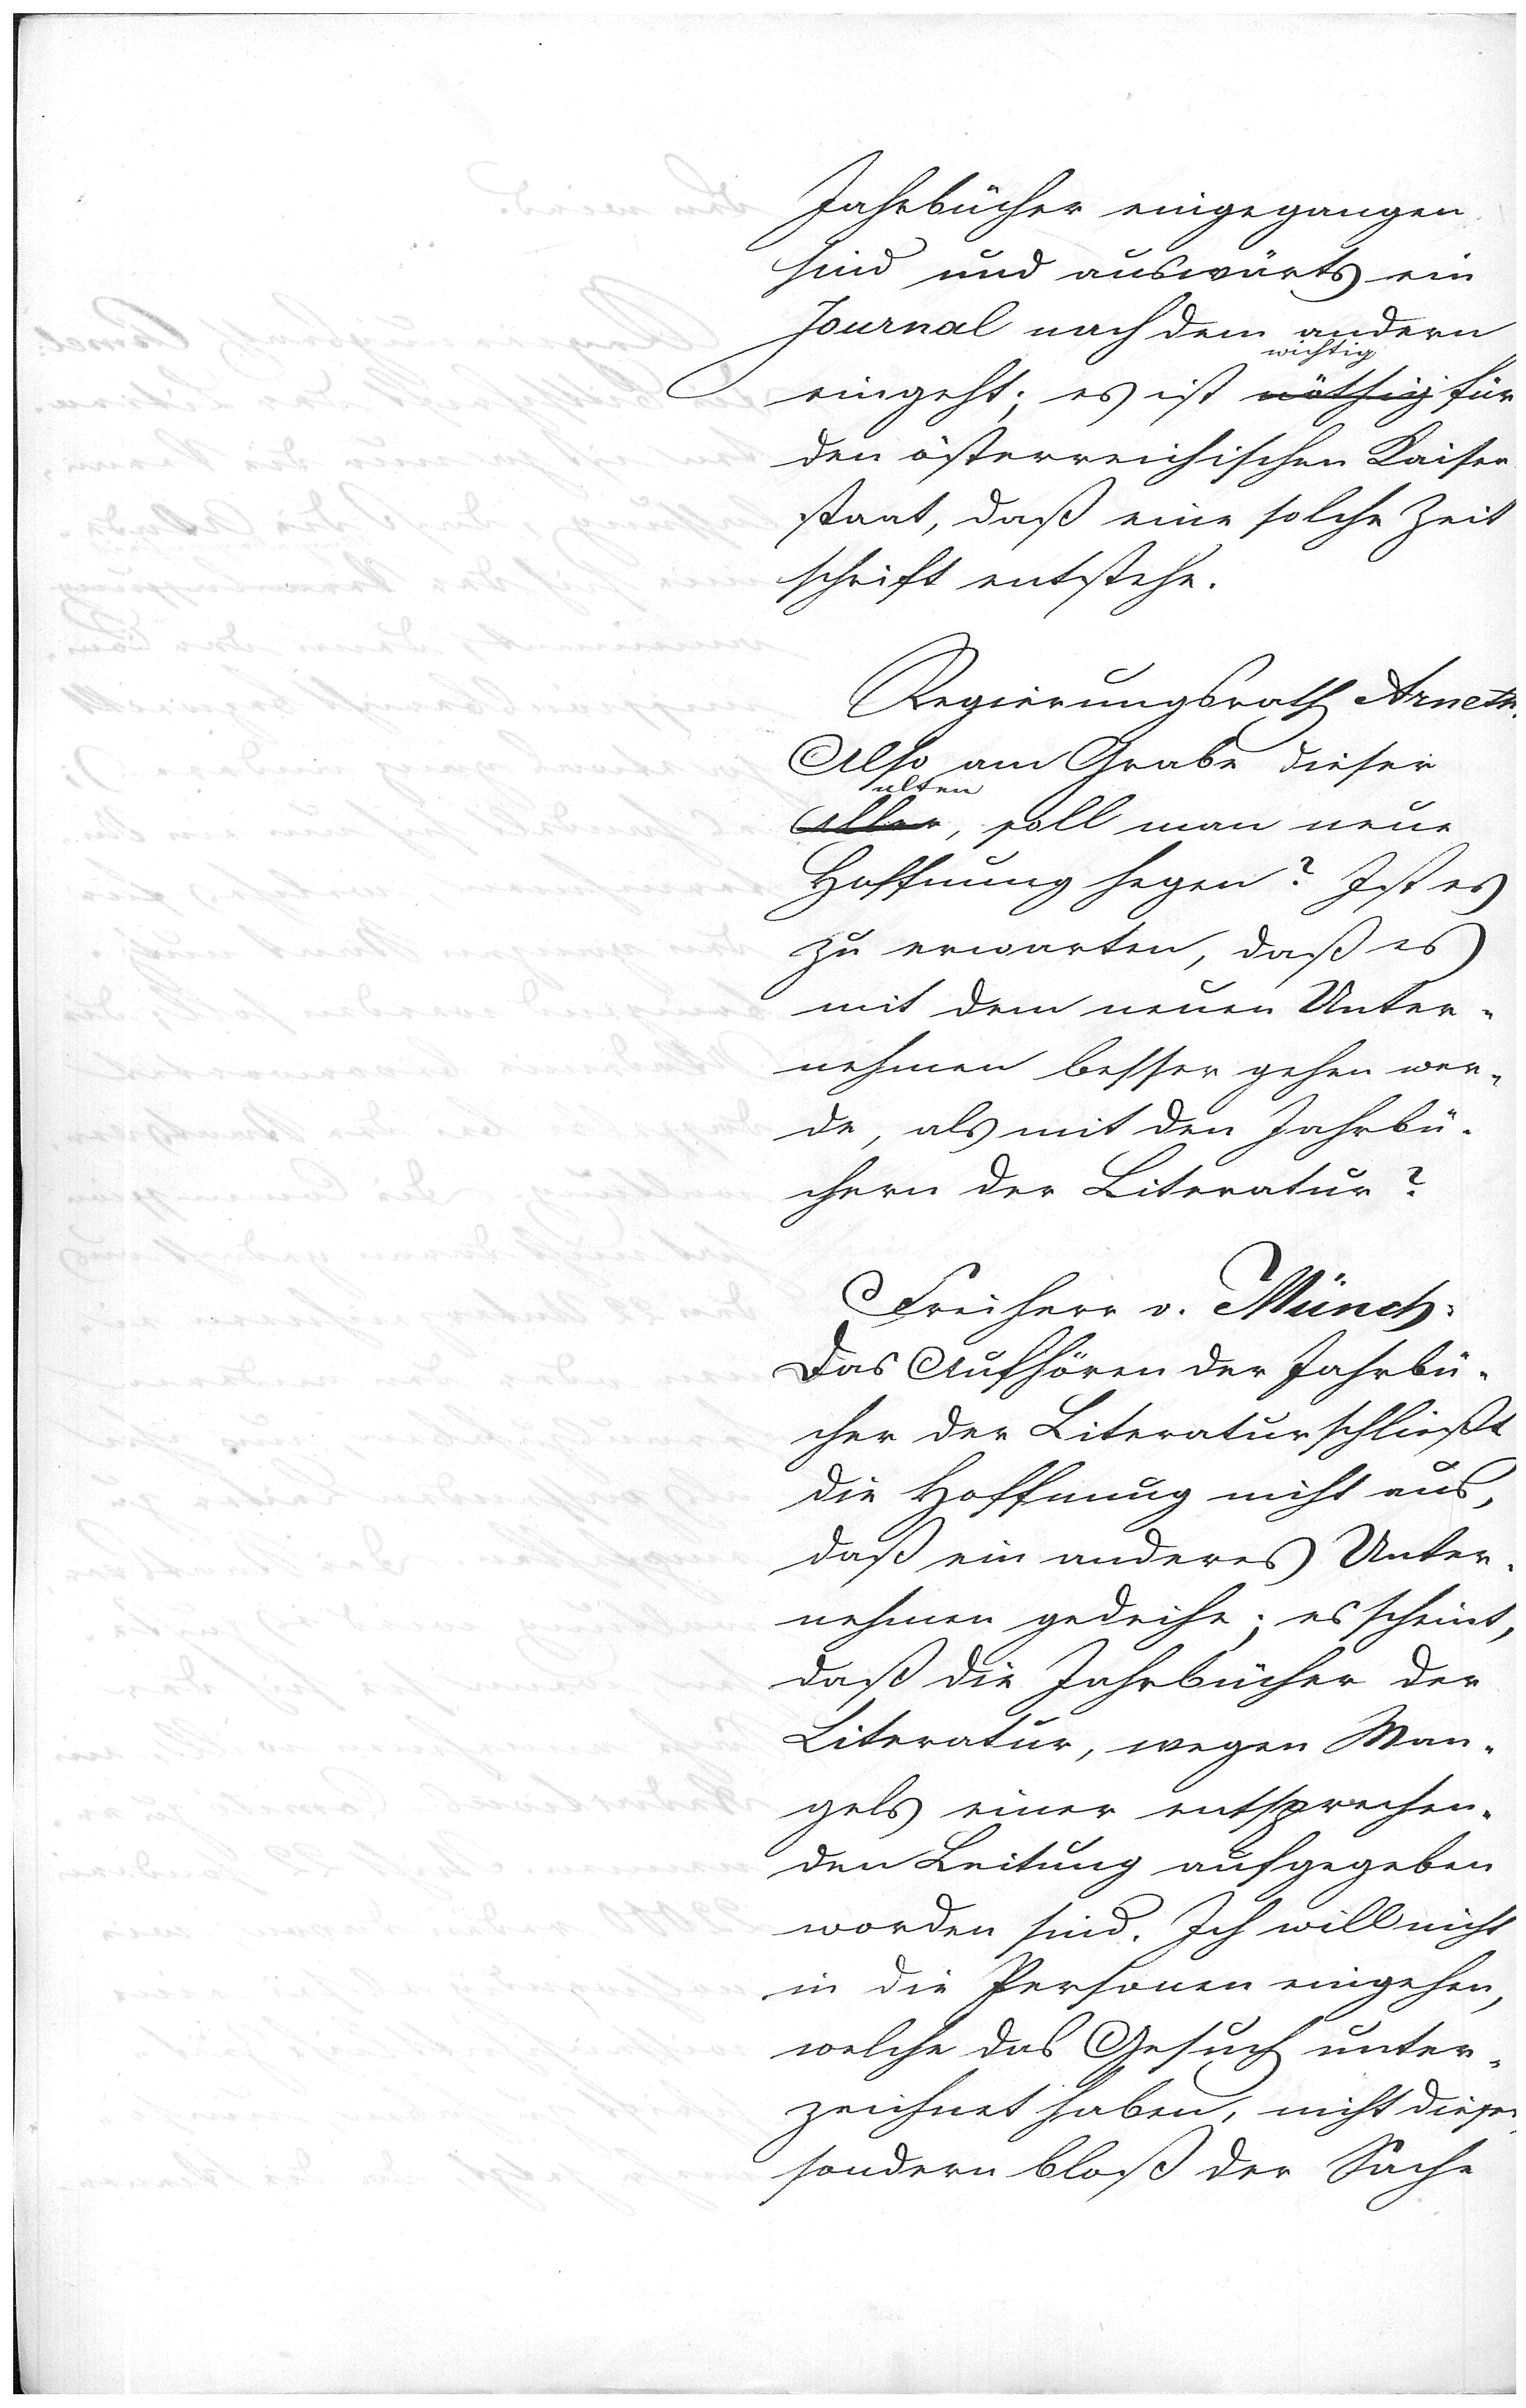Jahrbücher eingegangen
sind und auswärts ein
Journals nach dem andern
wichtig
eingeht; es ist nöthig für
den österreichischen Kaiser-
staat, daß eine solche Zeit-
schrift entstehe.
Regierungsrath Arneth:
Also am Grabe dieser
alten
aller, soll man neue
Hoffnung hegen? Ist es
zu erwarten, daß es
mit dem neuen Unter-
nehmen besser gehen wer-
de, als mit den Jahrbü-
chen der Literatur?
Freiherr v. Münch:
Das Aufhören der Jahrbü-
cher der Literatur schließt
die Hoffnung nicht aus,
daß ein anderes Unter-
nehmen gedeihe; es scheint
daß die Jahrbücher der
Literatur, wegen Man-
gels einer entsprechen-
den Leitung aufgegeben
worden sind. Ich will nicht
in die Personen eingehen,
welche das Gesuch unter
zeichnet haben, nicht dieser,
sondern bloß der Sache